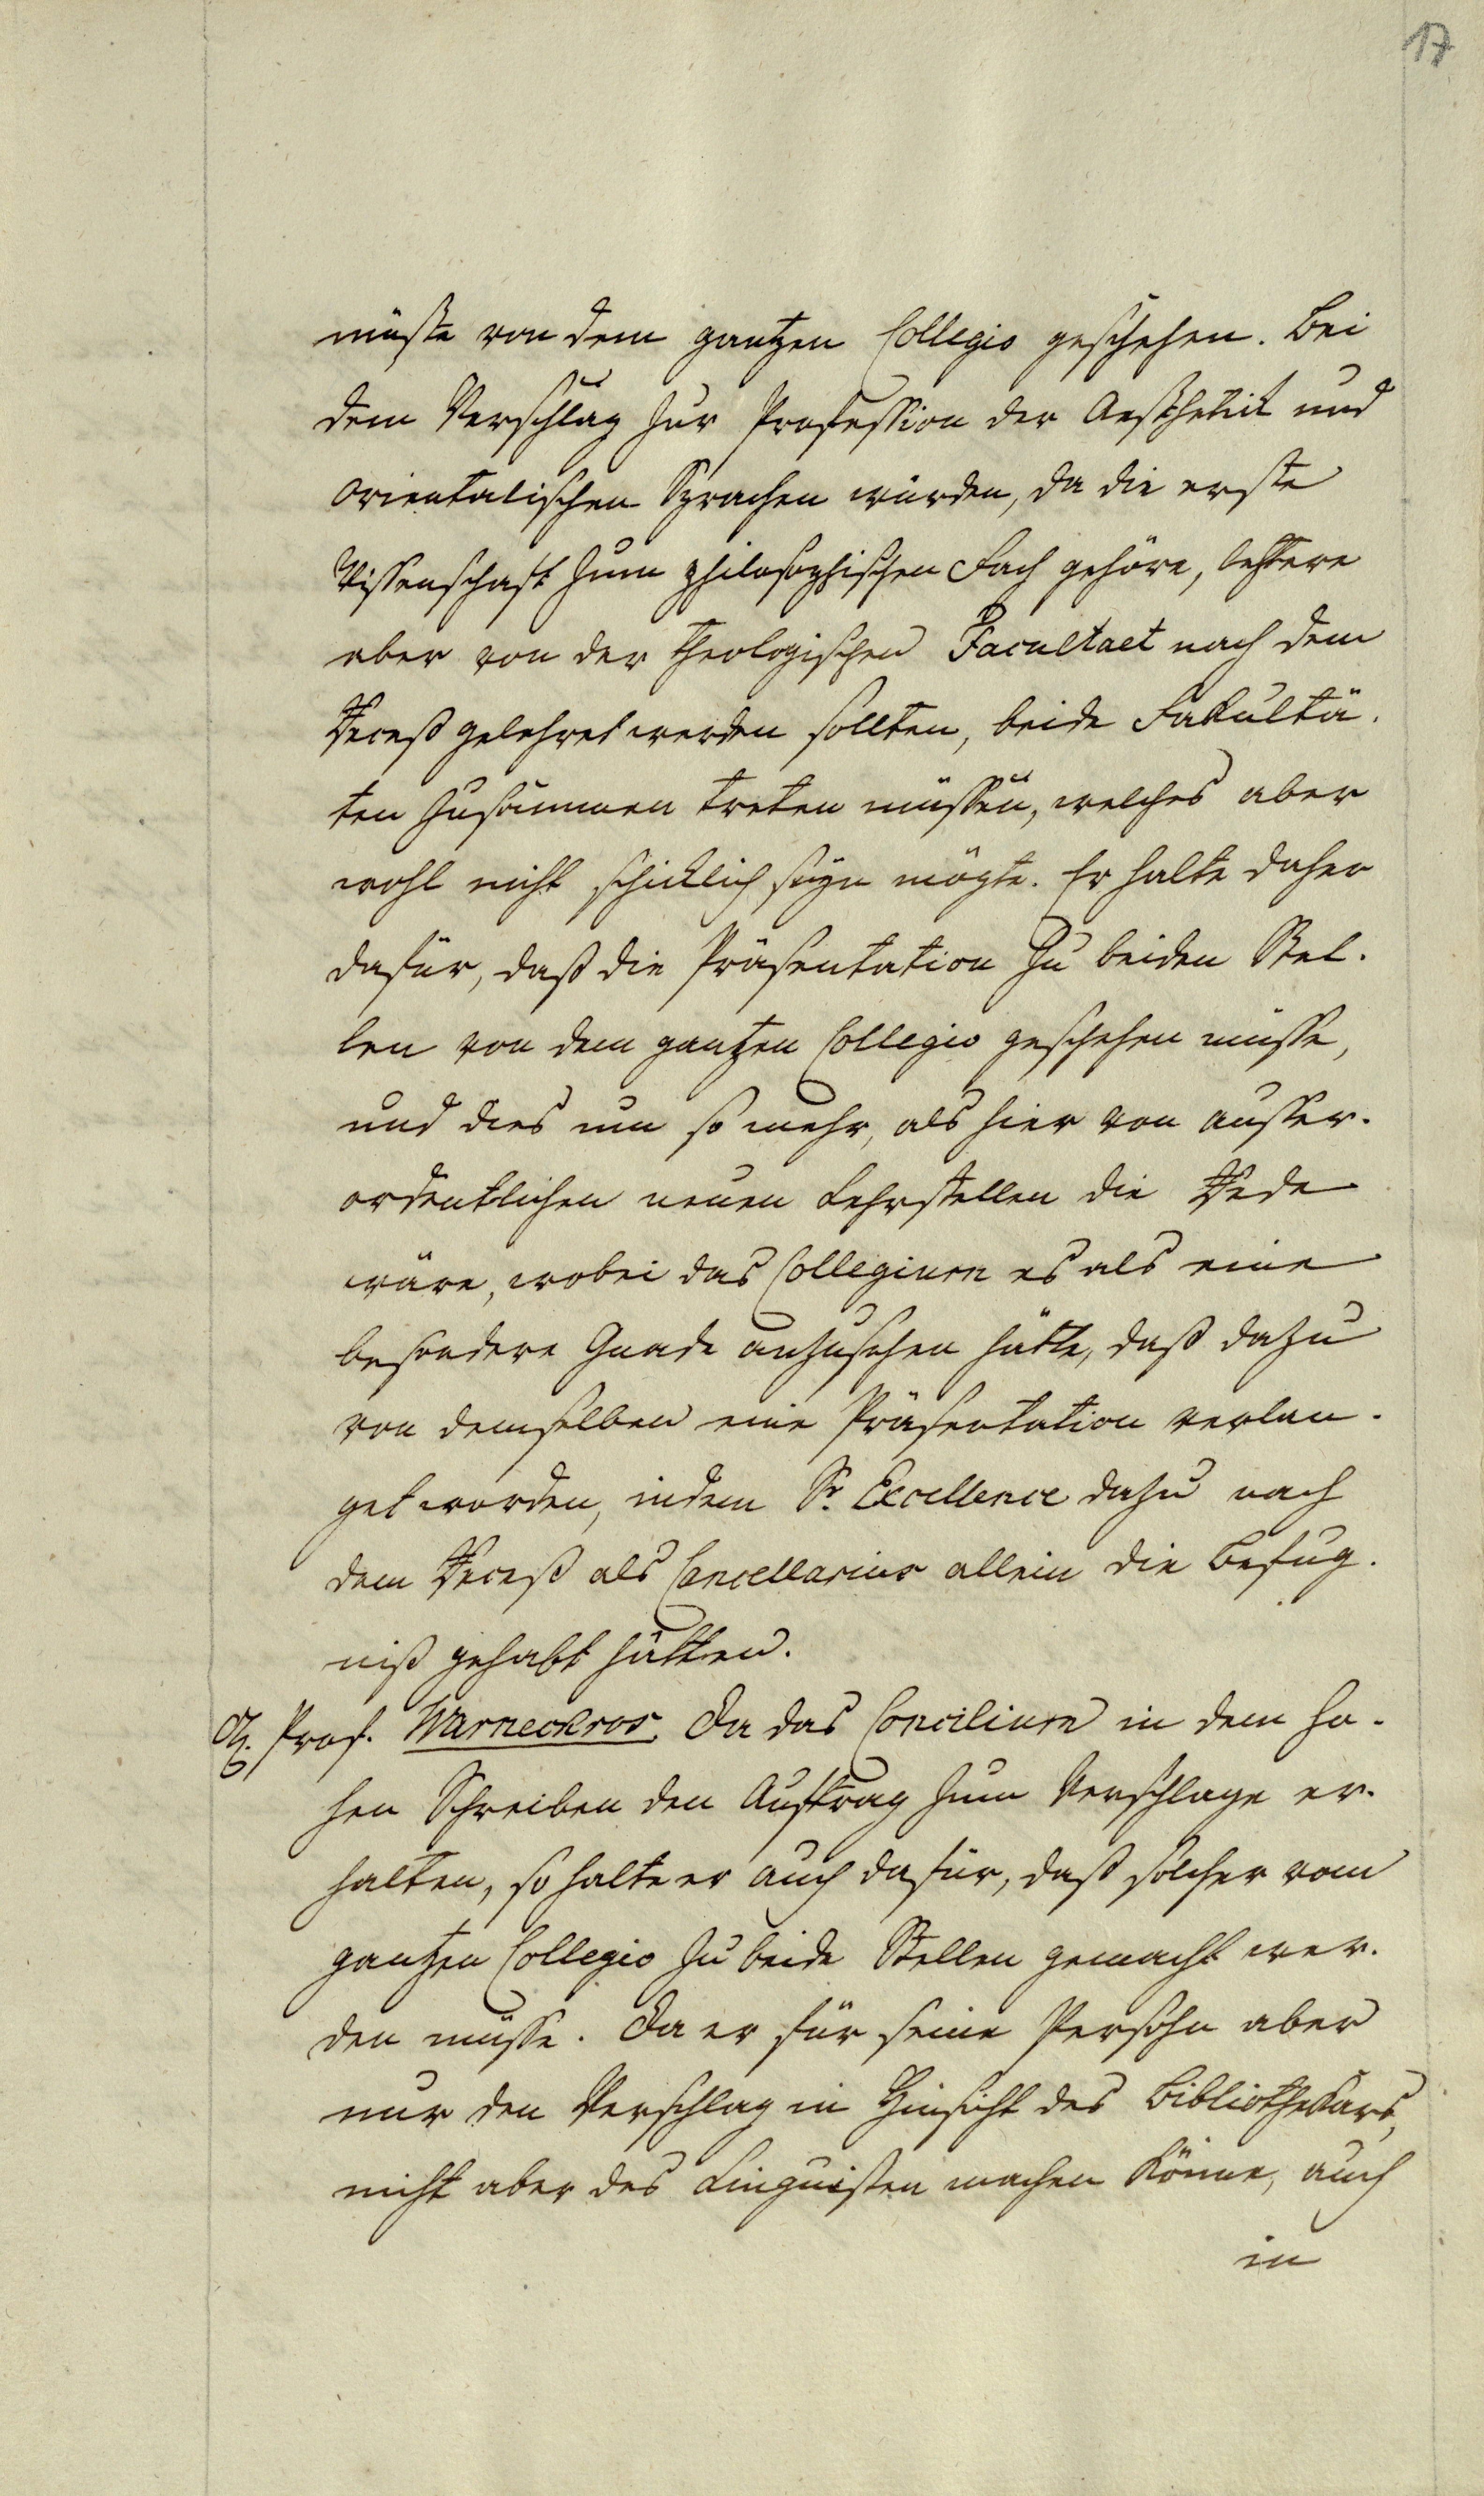müsste von dem gantzen Collegio geschehen. Bei
dem Vorschlag zur Profession der Aesthetik und
orientalischen Sprachen würden, da die erste
Wissenschaft zum philosophischen fach gehöre, letztere
aber von der theologischen Facultaet nach dem
Receß gelehret werden sollten, beide Fakultä¬
ten zusammen treten müssen, welches aber
wohl nicht schicklich seÿn möchte. Er halte daher
dafür, daß die Präsentation zu beiden Stel¬
len von dem gantzen Collegio geschehen müsse,
und dies um so mehr, als hier von ausser¬
ordentlichen neuen Lehrstellen die Rede
wäre, wobei das Collegium es als eine
besondere Gnade anzusehen hätte, daß dazu
von demselben eine Präsentation verlan¬
get worden, indem Sr. Excellence dazu nach
dem Receß als Cancellarius allein die Befug¬
niß gehabt hätten.
dh. Prof. Warneckros. Da das Concilium in dem ho¬
hen Schreiben den Auftrag zum Vorschlage er¬
halten, so halte er auch dafür, daß solcher vom
gantzen Collegio zu beide Stellen gemacht wer¬
den müsse. Da er für seine Persohn aber
nur den Vorschlag in Hinsicht des Bibliothekars,
nicht aber des Linguisten machen könne, auch
in